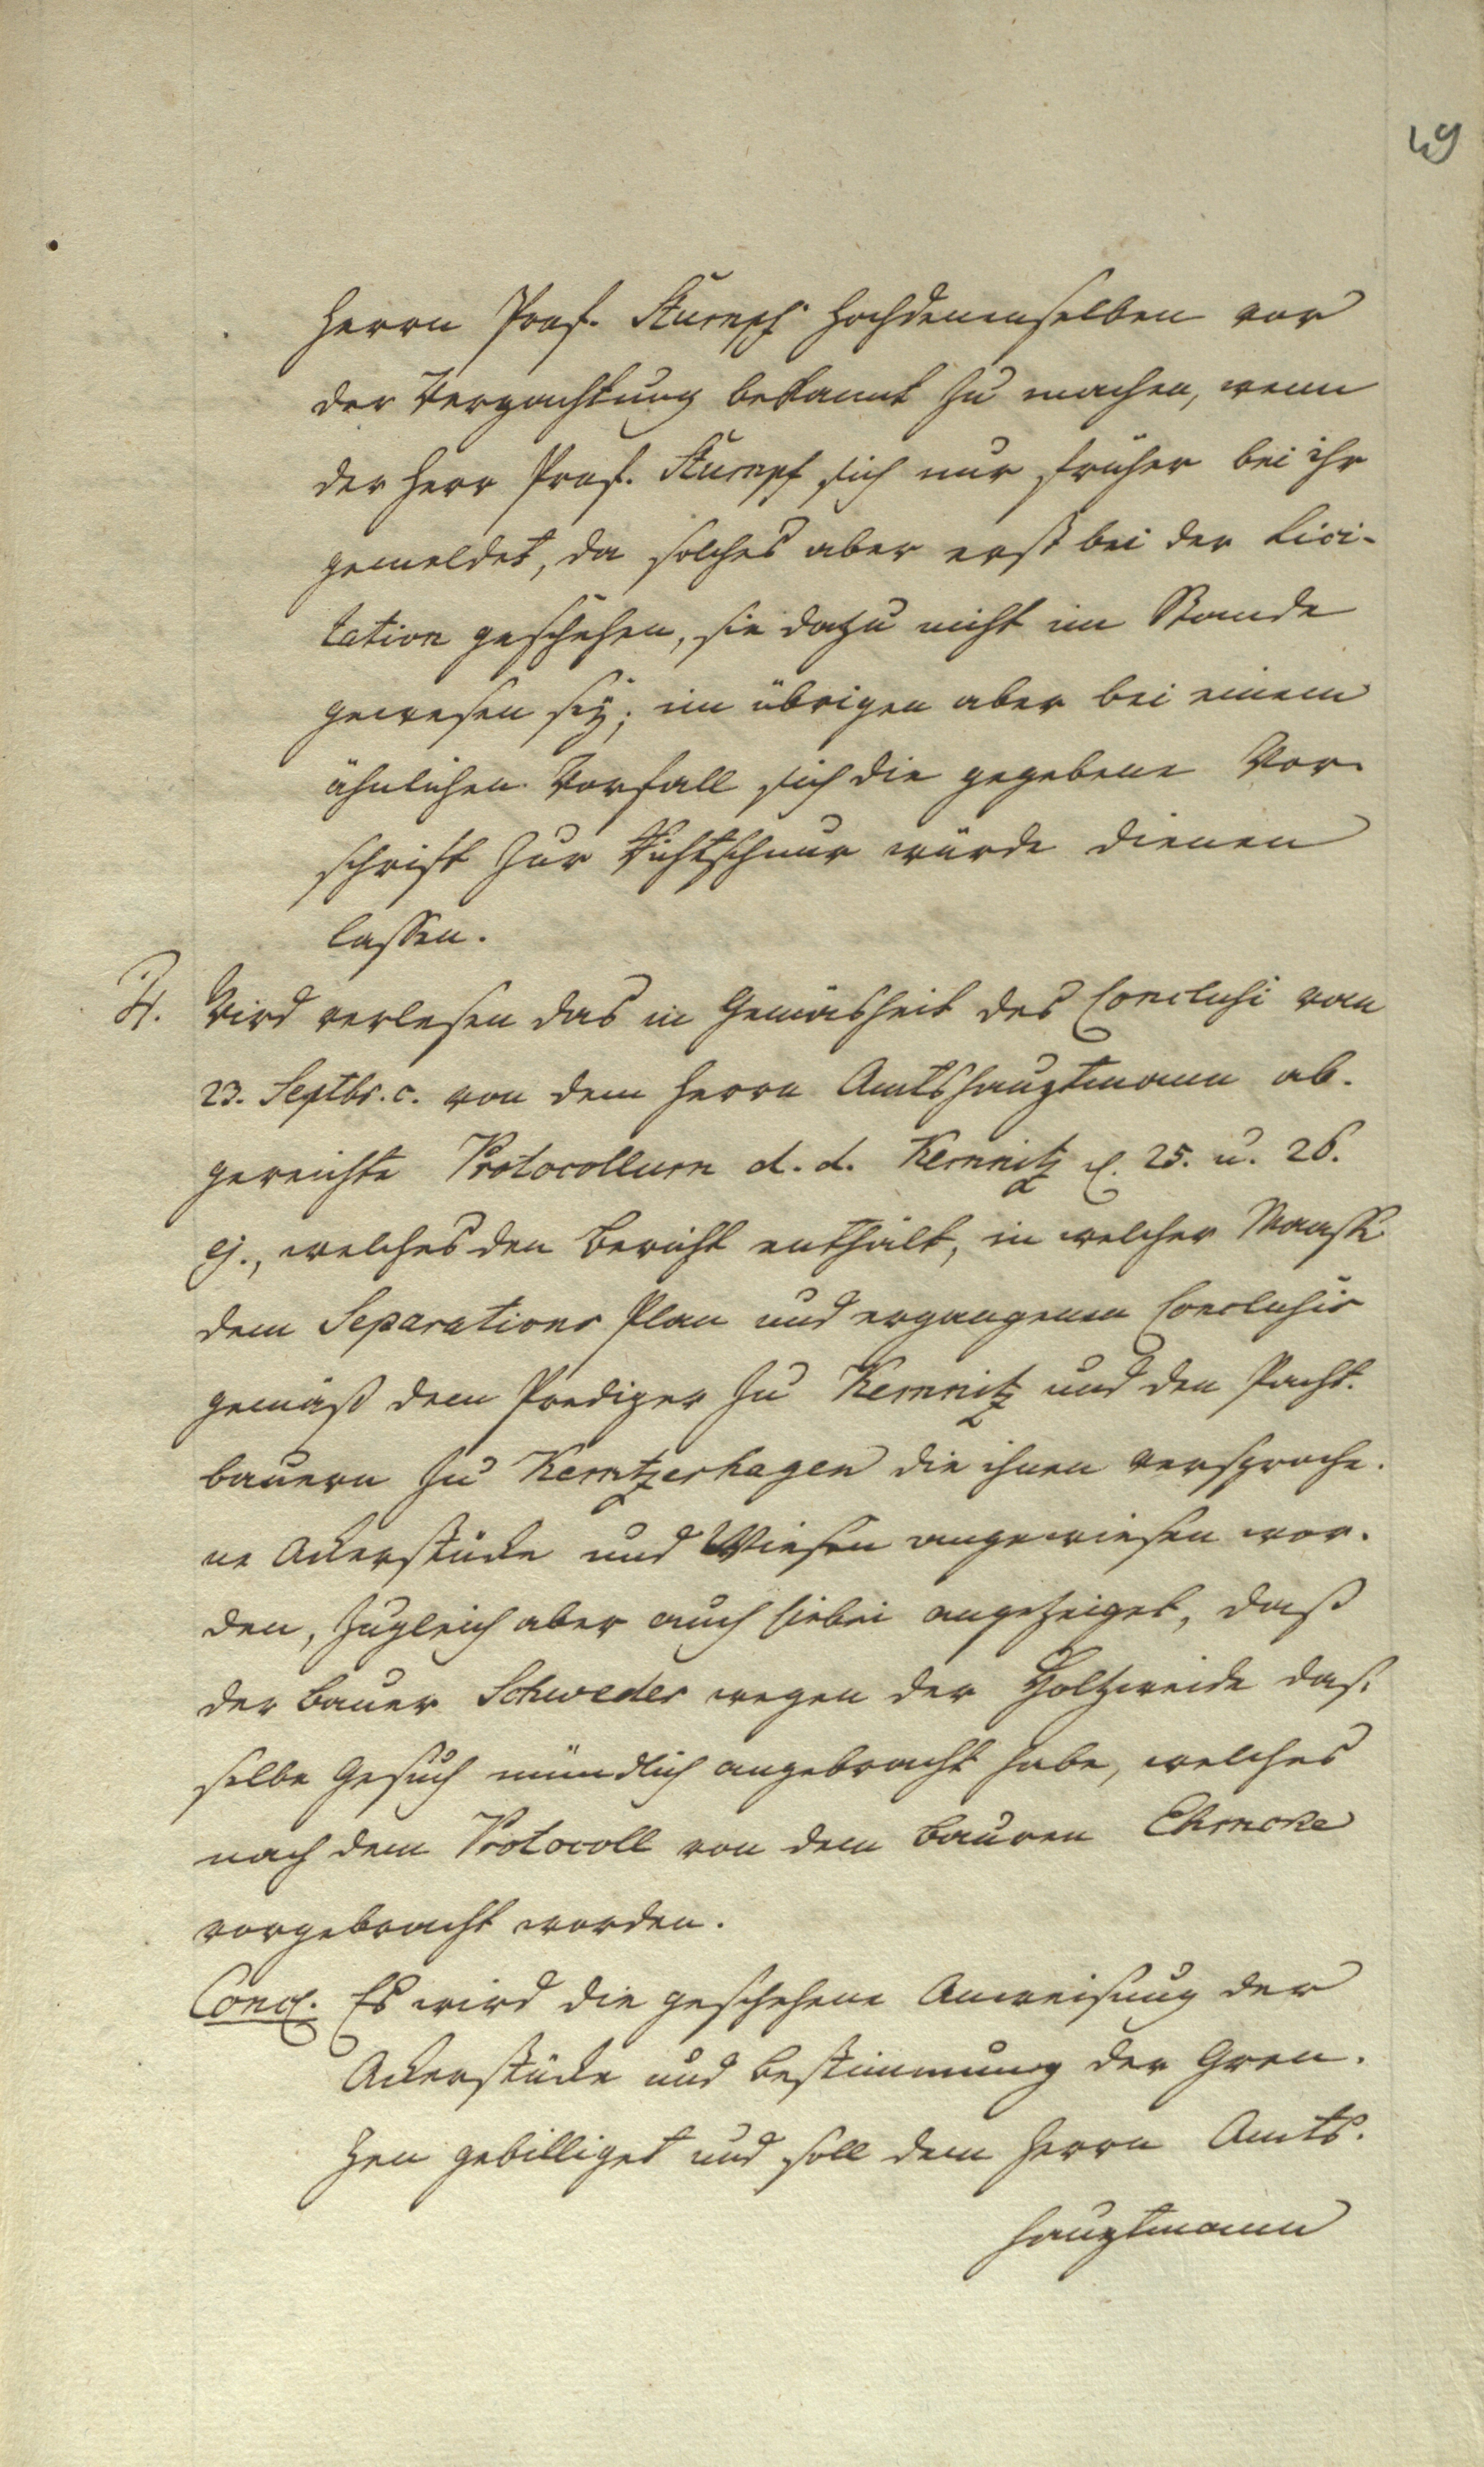Herrn Prof. Stumpf Hochdenenselben vor
der Verpachtung bekannt zu machen, wenn
der Herr Prof. Stumpf sich nur früher bei ihr
gemeldet, da solches aber erst bei der Lici¬
tation geschehen, sie dazu nicht im Stande
gewesen seÿ; im übrigen aber bei einem
ähnlichen Vorfall sich die gegebene Vor¬
schrift zur Richtschnur würde dienen
lassen.
4. Wird verlesen das in Gemäsheit des Conclusi vom
23. Septbr. c. von dem Herrn Amtshauptmann ob¬
gereichte Protocollum d. d. Kemnitz d. 25. u. 26.
ej., welches den Bericht enthält, in welcher Maaße
dem Separations Plan und ergangene Conclusis
gemäß dem Prediger zu Kemnitz und den Pacht¬
bauern zu Kemtzerhagen die ihnen versproche¬
ne Ackrstücke und Wiesen angewiesen wor¬
den, zugleich aber auch hiebei angezeiget, daß
der Bauer Schweder wegen der Holzweide das¬
selbe Gesuch mündlich angebracht habe, welches
nach dem Protocoll von dem Bauren Ehmcke
vorgebacht worden.
Concl. Es wird die geschehene Anweisung der
Ackerstücke und Bestimmung der Gren¬
zen gebilliget und soll dem Herrn Amts¬
hauptmann